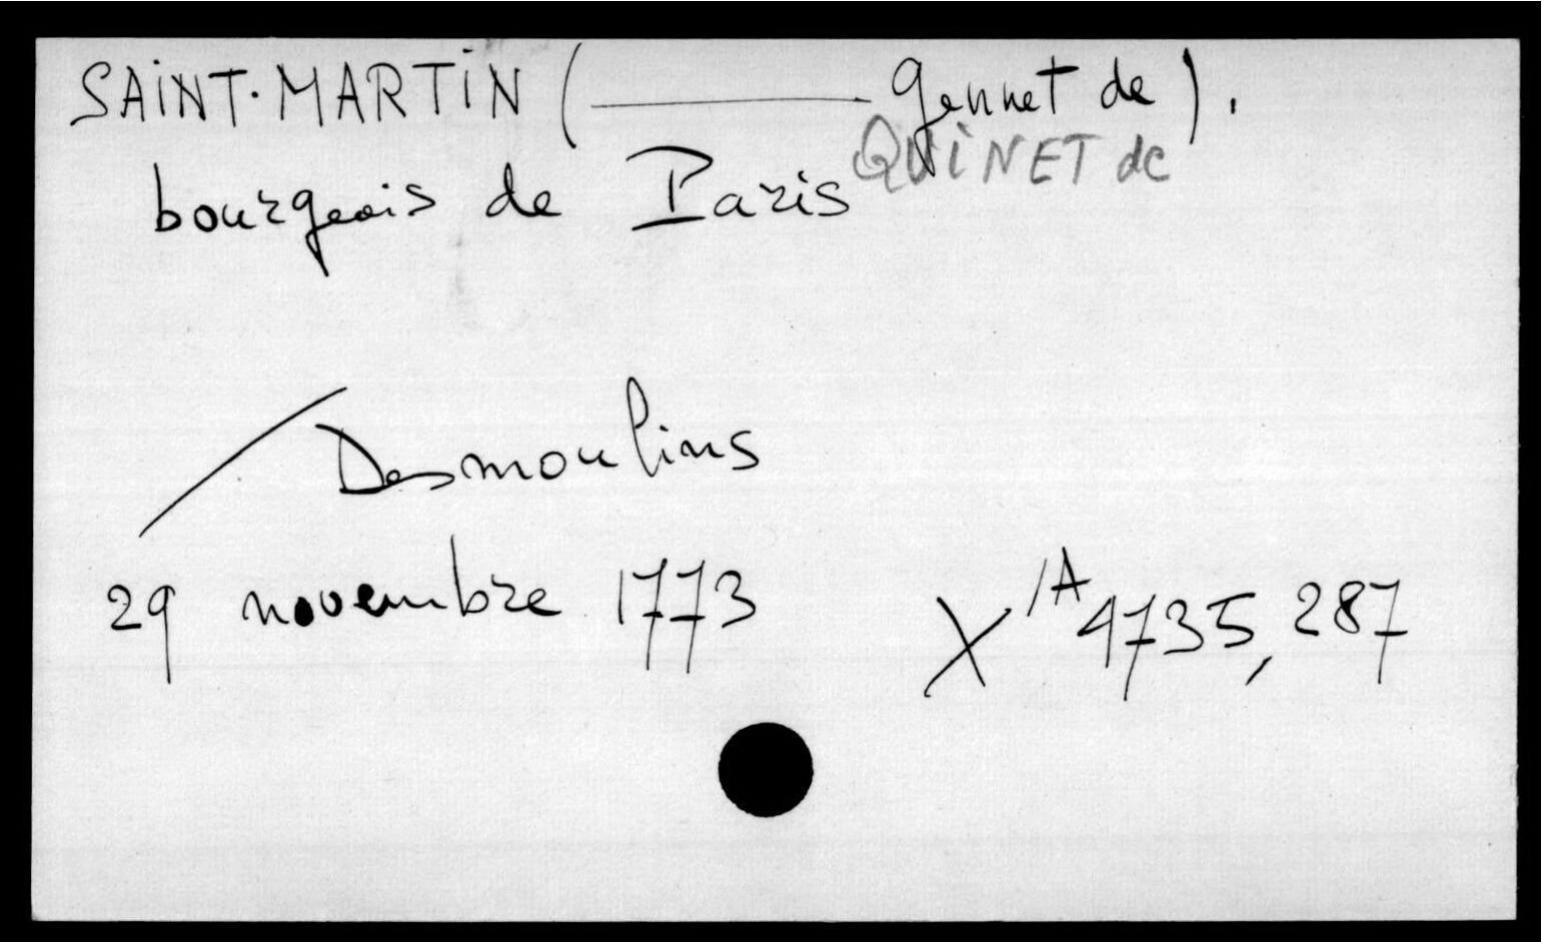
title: SAINT-MARTIN ( QUINET de), bourgeois de Paris
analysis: Contre Desmoulins
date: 29 novembre 1773
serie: X1A
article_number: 4735
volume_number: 287
